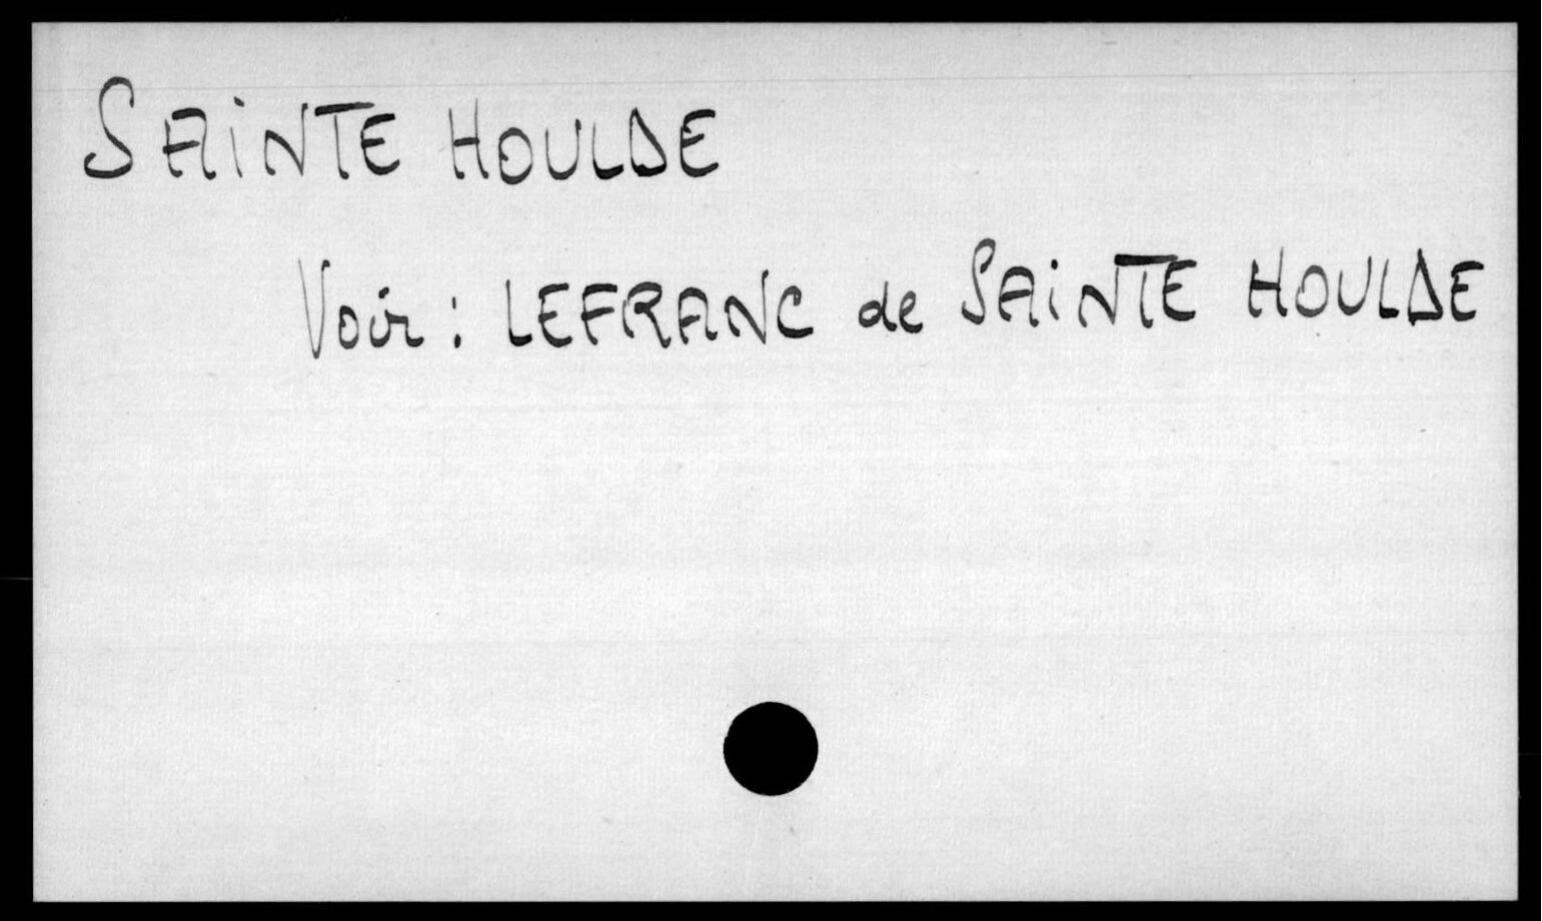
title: SAINTE HOULDE
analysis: Voir : LEFRANC de SAINTE HOULDE
